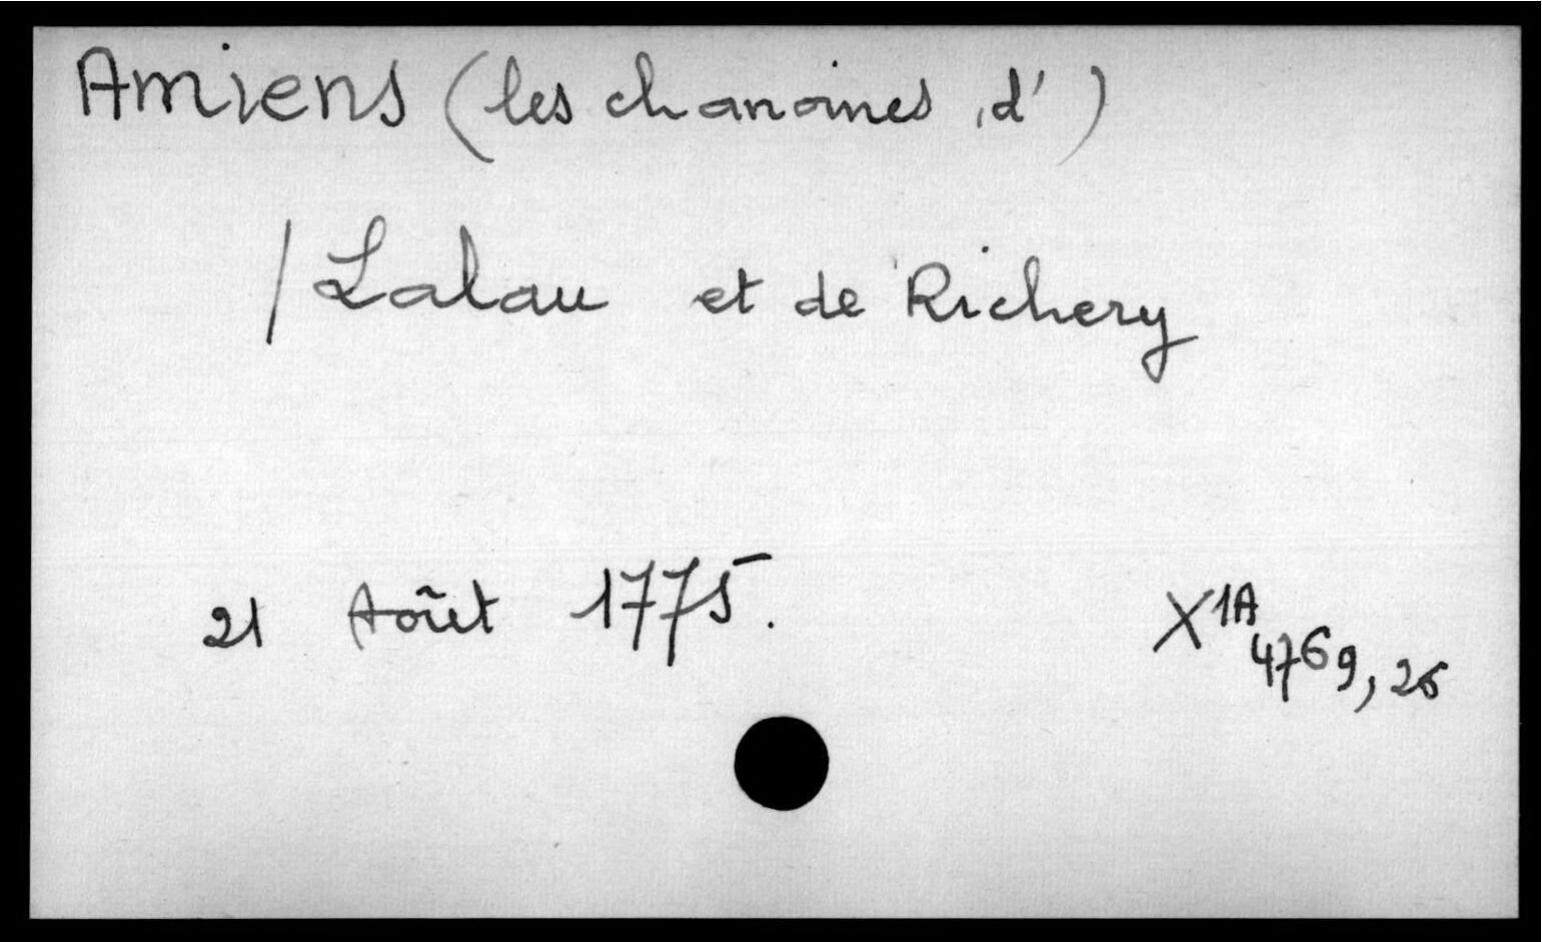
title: AMIENS (les chanoines d')
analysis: Contre Lalau et de Richery
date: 21 août 1775
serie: X1A
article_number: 4769
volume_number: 26
